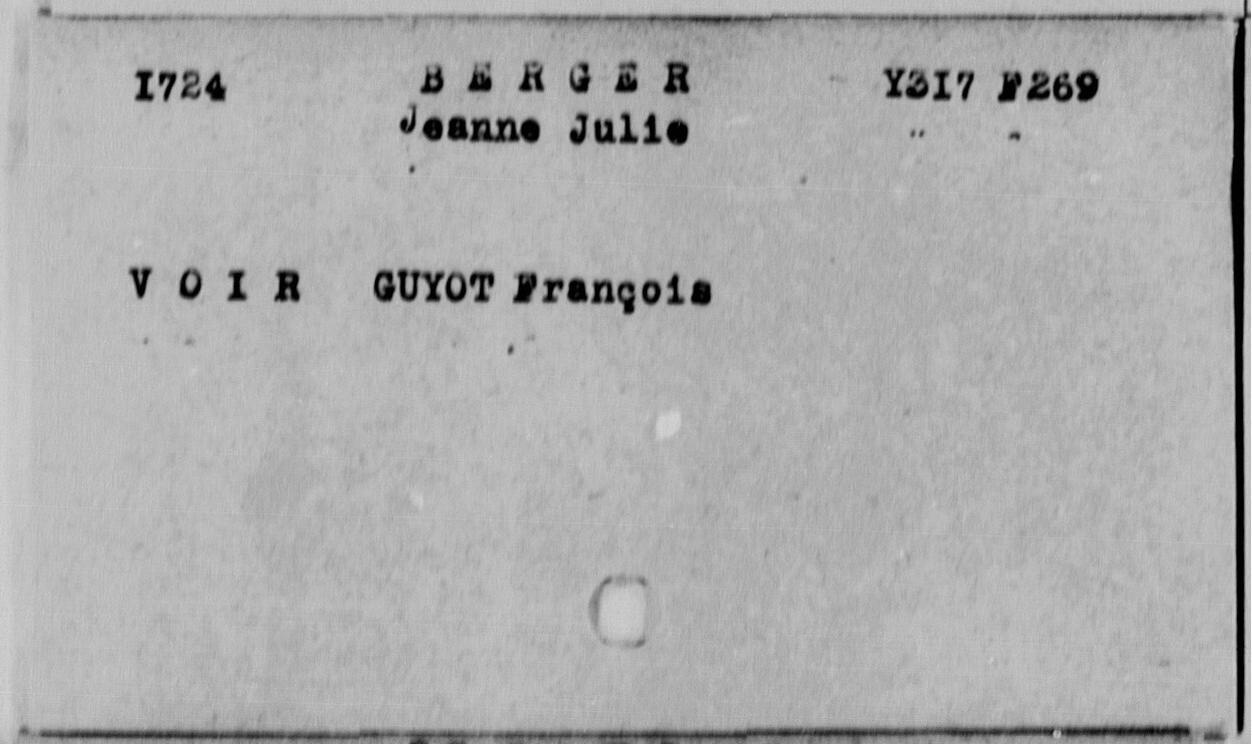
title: BERGER (Jeanne Julie)
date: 1724
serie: Y
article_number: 317
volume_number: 269
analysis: Voir : GUVOT (François)
